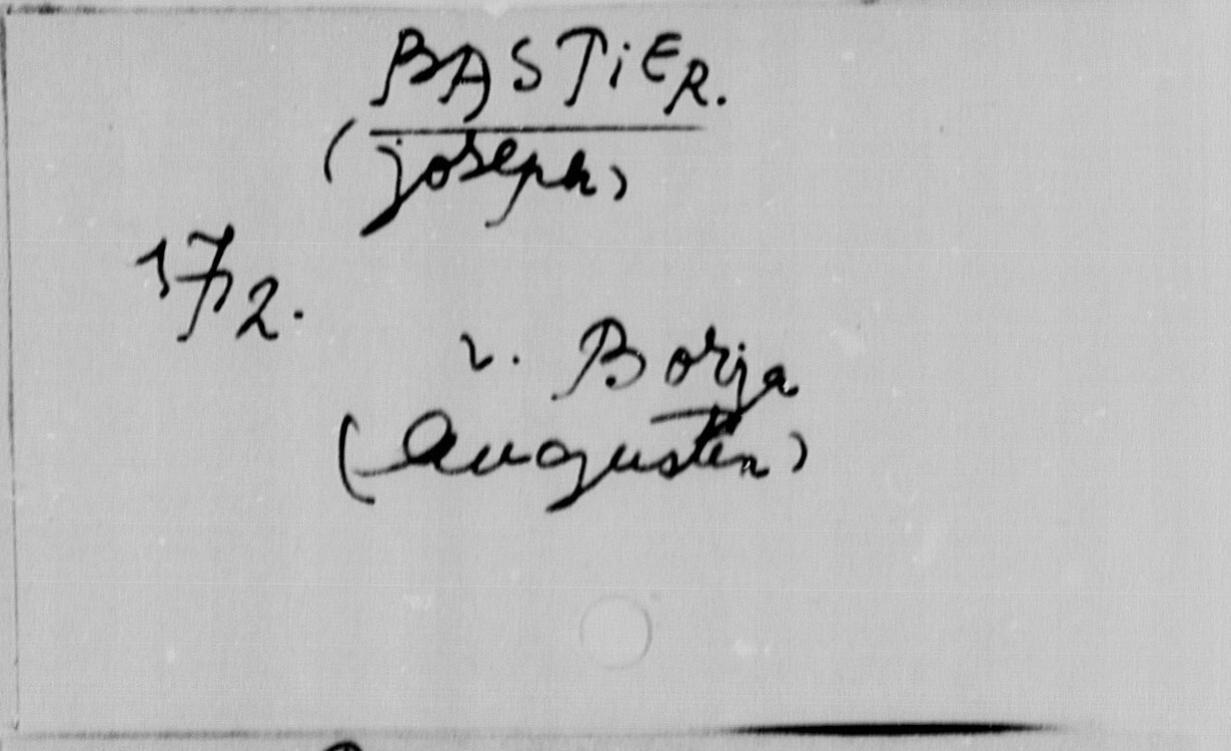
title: BASTIER (Joseph)
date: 1712
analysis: Voir BORJA (Augustin)
